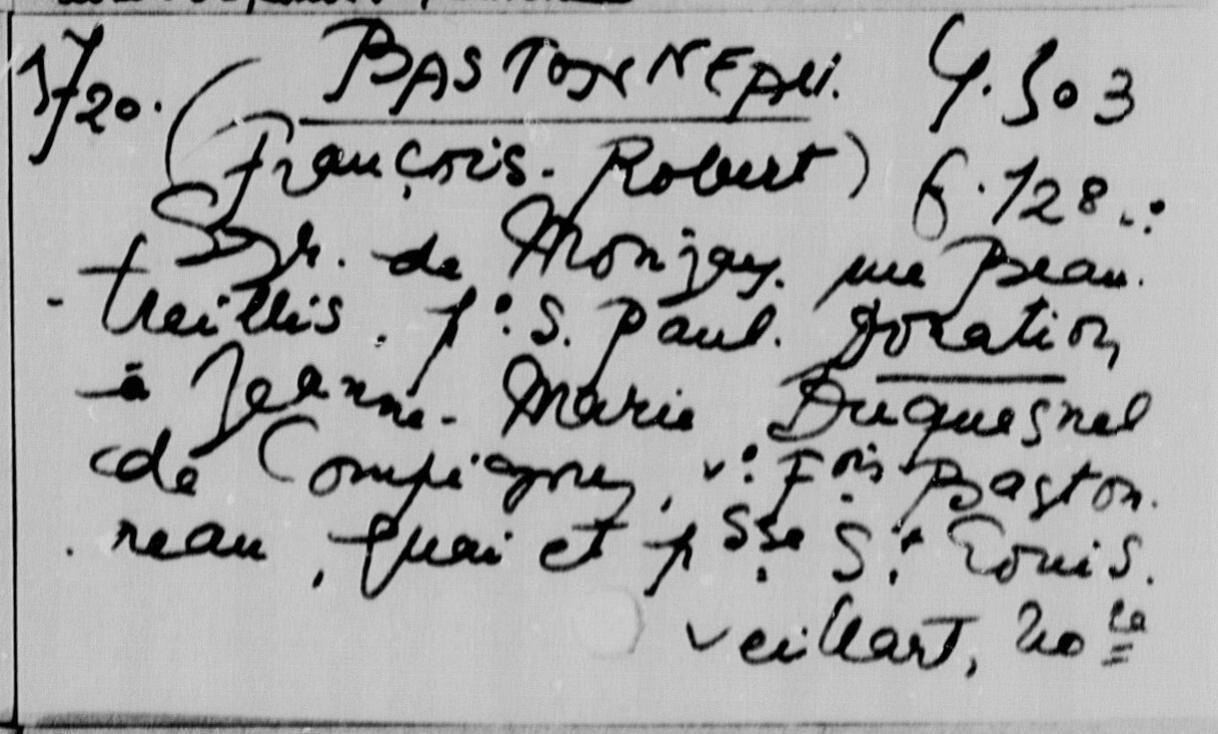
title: BASTONNEAU (François-Robert)
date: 1720
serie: Y
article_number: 303
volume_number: fol. 128v
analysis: Seigneur de Monjay, rue Beautreillis, paroisse Saint-Paul. Donation à Jeanne-Marie DUQUESNEL, de Compigny, veuve François Bastonneau, quai et paroisse Saint-Louis. Veillart, notaire.
